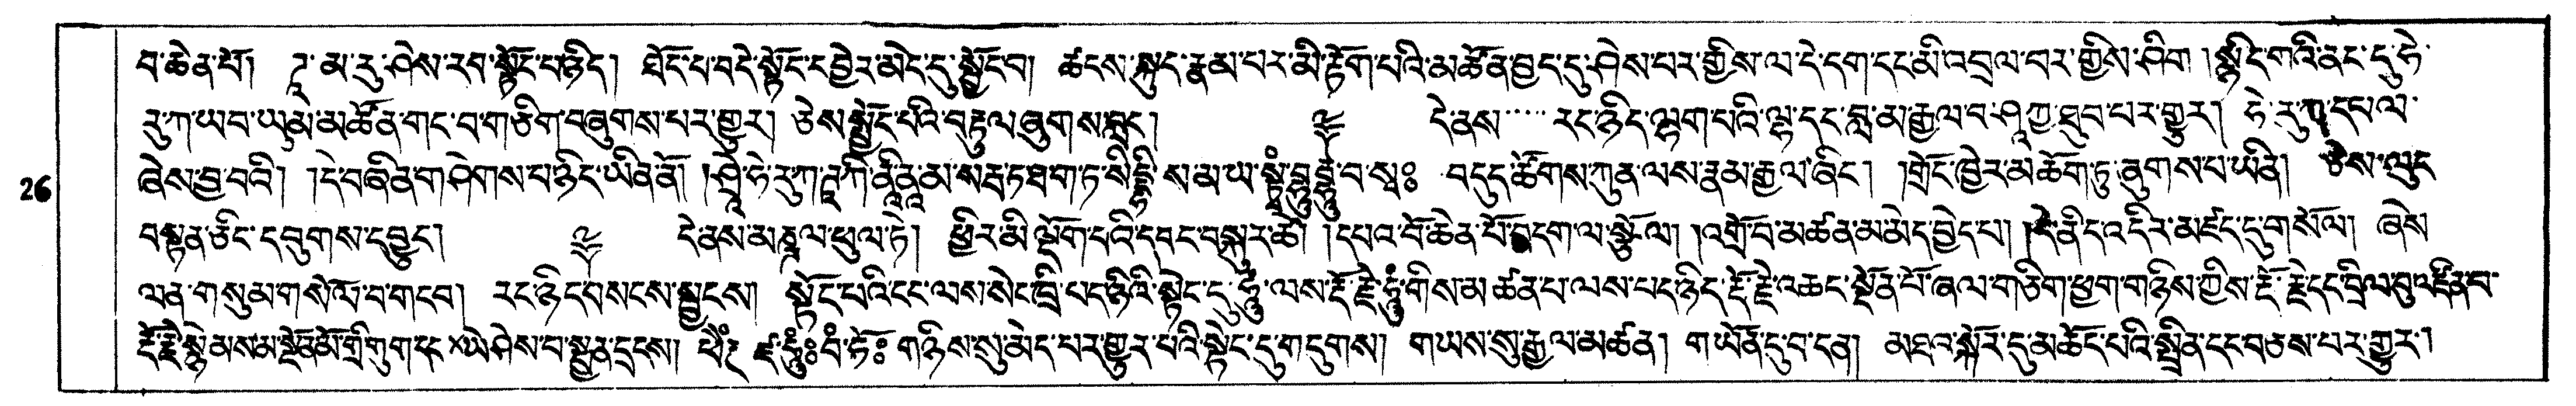བ་ཆེན་པོ། ཌཱ་མ་རུ་ཤེས་རབ་སྟོང་པ་ཉིད། ཐོང་པ་བདེ་སྟོང་དབྱེར་མེད་དུ་སྦྱོང་བ། ཚངས་སྐུད་རྣམ་པར་མི་རྟོག་པའི་མཚོན་བྱད་དུ་ཤེས་པར་གྱིས་ལ་དེ་དག་དང་མི་འབྲལ་བར་གྱིས་ཤིག །སྙིང་གའི་ནང་དུ་ཧེ་
རུ་ཀ་ཡབ་ཡུམ་མཚོན་གང་བ་གཅིག་བཞུགས་པར་གྱུར། ཅེས་སྤྱོད་པའི་བརྟུལ་ཞུགས་བླང་། ༈ དེ་ནས་རང་ཉིད་ལྷག་པའི་ལྷ་དང་བླ་མ་རྒྱལ་བ་ཤཱཀྱ་ཐུབ་པར་གྱུར། ཧེ་རུ་ཀ་དཔལ་
ཞེས་བྱ་བའི། །དེ་བཞིན་གཤེགས་པ་ཉིད་ཡིན་ནོ། །ཤརE་ཧེ་རུ་ཀ་ཊཱ་ཀི་ནཱི་ནཱ་མ་སརྦ་ཏ་ཐ་ག་ཏ་སིདྡྷི་ས་མ་ཡ་སྟྭཱཾ་བྷཱུ་རྦྷཱུ་བ་སྭཿ བདུད་ཚོགས་ཀུན་ལས་རྣམ་རྒྱལ་ཞིང་། །གྲོང་ཁྱེར་མཆོག་ཏུ་ཞུགས་པ་ཡིན། ཅེས་ལུང་
བསྟན་ཅིང་དབུགས་དབྱུང་། ༈ དེ་ནས་མཎྜལ་ཕུལ་ཏེ། ཕྱིར་མི་ལྡོག་པའི་དབང་བསྐུར་ཚེ། །དཔའ་བོ་ཆེན་པོ་བདག་ལ་སྩོལ། །འགྲོ་བ་མཚན་མ་མེད་བྱེད་པ། །དེ་ནི་ད་འདིར་མཛད་དུ་གསོལ། ཞེས་
ལན་གསུམ་གསོལ་བ་གདབ། རང་ཉིད་བསངས་སྦྱངས། སྟོང་པའི་ངང་ལས་སེང་ཁྲི་པད་ཉིའི་སྟེང་དུ་ཧཱུཾ་ལས་རྡོ་རྗེ་ཧཱུཾ་གིས་མཚན་པ་ལས་པད་ཉིད་རྡོ་རྗེ་འཆང་སྔོན་པོ་ཞལ་གཅིག་ཕྱག་གཉིས་ཀྱིས་རྡོ་རྗེ་དང་བྲིལ་བུ་འཛིན་པ་
རྡོ་རྗེ་སྙེམས་མ་སྔོན་མོ་གྲི་གུག་དང྾་ཡེ་ཤེས་པ་སྤྱན་དྲངས། ཕཻཾ༑ ཛ་ཧཱུཾཿ བཾ་ཧོཿ གཉིས་སུ་མེད་པར་གྱུར་པའི་སྟེང་དུ་གདུགས། གཡས་སུ་རྒྱལ་མཚན། གཡོན་དུ་བ་ངན། མཐའ་སྐོར་དུ་མཆོད་པའི་སྤྲིན་དང་བཅས་པར་གྱུར།